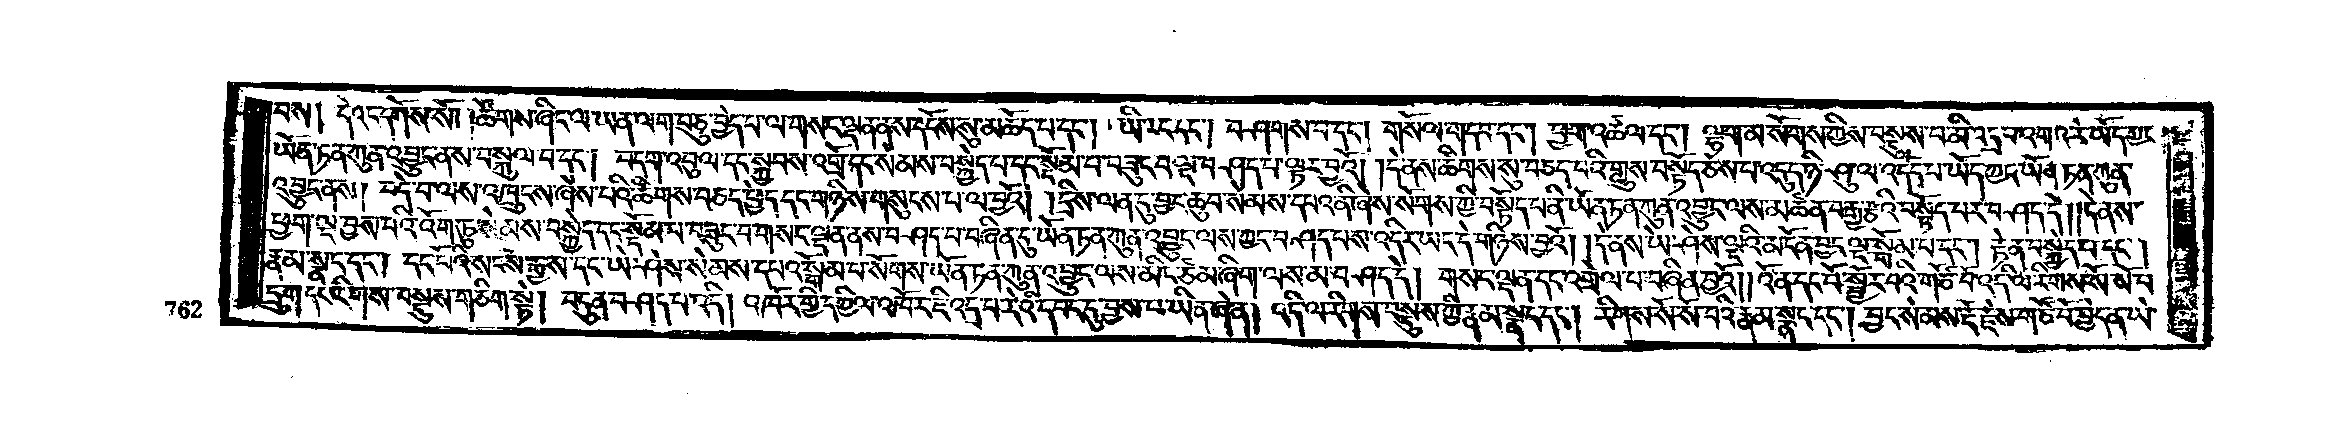བས། དེའང་དགོས་སོ། །ཚོགས་ཞིང་ལ་ཡན་ལག་བཅུ་བྱེད་པ་ལ་གསང་ལྡན་ནས་དངོས་སུ་མཆོད་པ་དང་། །ཡི་རང་དང་། བཤགས་པ་དང་། གསོལ་གདབ་དང་། ཕྱག་འཚལ་དང་། ལྷག་མ་སོགས་ཀྱིས་བསྡུས་པ་མི་འདྲ་བ་འགའ་རེ་ཡོད་ཀྱང་
ཡོན་ཏན་ཀུན་འབྱུང་ནས་བསྐུལ་བ་དང་། བདག་འབུལ་དང་སྐྱབས་འགྲོ་དང་སེམས་བསྐྱེད་པ་དང་སྡོམ་པ་བཟུང་བ་ལྔ་བཤད་པ་ལྟར་བྱའོ། །དེ་ནས་ཚིགས་སུ་བཅད་པའི་གླུས་བསྟོད་ཅེས་པ་འདུད་ཉི་ཤུ་ལ་འདོད་པ་ཡོད་ཀྱང་ཡོན་ཏན་ཀུན་
འབྱུང་ནས། བདེ་བ་ལས་འཁྲུངས་ཞེས་པའི་ཚིགས་བཅད་ཕྱེད་དང་གཉིས་གསུངས་པ་ལ་བྱའོ། །དྲིས་ལན་དུ་བྱང་ཆུབ་སེམས་དཔའ་ནི་ཞེས་སོགས་ཀྱི་བསྟོད་པ་ནི་ཡོན་ཏན་ཀུན་འབྱུང་ལས་མཚན་བརྒྱ་རྩའི་བསྟོད་པར་བཤད་དེ། །དེ་ནས་
ཕྱག་ལྔ་བྱས་པའི་འོག་ཏུ་སེམས་བསྐྱེད་དང་སྡོམ་པ་བཟུང་བ་གསང་ལྡན་ནས་བཤད་པ་བཞིན་དུ་ཡོན་ཏན་ཀུན་འབྱུང་ལས་ཀྱང་བཤད་པས་འདིར་ཡང་དེ་གཉིས་བྱའོ། །དེ་ནས་ཡེ་ཤེས་ལྔའི་མངོན་བྱང་ལྔ་སྒོམ་པ་དང་། རྟེན་བསྐྱེད་པ་དང་།
རྣམ་སྣང་དང་། དང་པོའི་སངས་རྒྱས་དང་ཡེ་ཤེས་སེམས་དཔའ་སྒོམ་པ་སོགས་ཡོན་ཏན་ཀུན་འབྱུང་ལས་མིང་ཙམ་ཞིག་ལས་མ་བཤད་དེ། གསང་ལྡན་དང་འགྲེལ་པ་བཞིན་བྱའོ། །འོ་ན་དང་པོ་སྦྱོར་བའི་གཙོ་བོ་འདི་ལ་རིགས་སོ་སོ་བ་
དྲུག་དང་རིགས་བསྡུས་གཅིག་སྟེ། བདུན་བཤད་པ་འདི། འཁོར་གྱི་དཀྱིལ་འཁོར་ཇི་འདྲ་བ་རེའི་དབང་དུ་བྱས་པ་ཡིན་ཞེ་ན། འདི་ལ་རིགས་བསྡུས་ཀྱི་རྣམ་སྣང་དང་། རིགས་སོ་སོ་བའི་རྣམ་སྣང་དང་། བྱང་སེམས་རྡོ་རྗེས་གཙོ་བོ་བྱེད་ན་ཡེ་